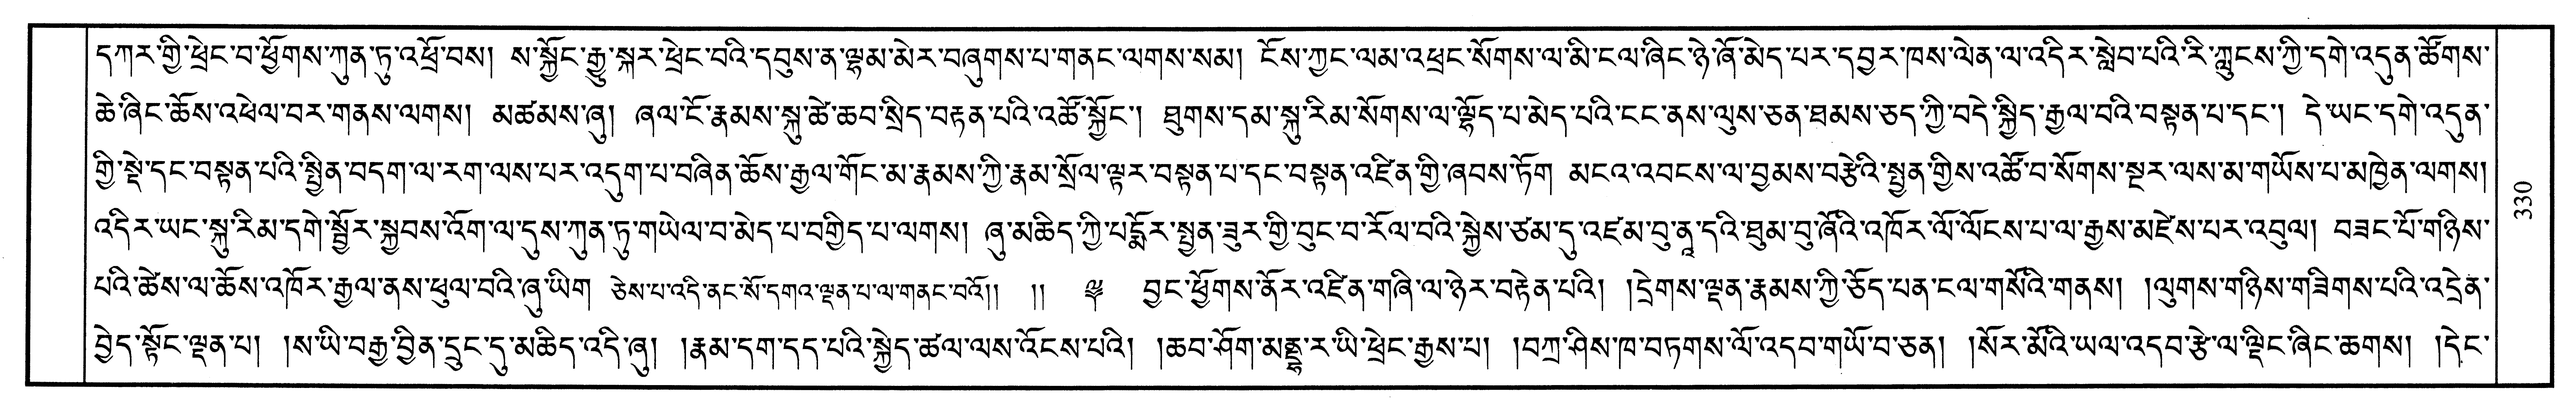དཀར་གྱི་ཕྲེང་བ་ཕྱོགས་ཀུན་ཏུ་འཕྲོ་བས། ས་སྐྱོང་རྒྱུ་སྐར་ཕྲེང་བའི་དབུས་ན་ལྷམ་མེར་བཞུགས་པ་གནང་ལགས་སམ། ངོས་ཀྱང་ལམ་འཕྲང་སོགས་ལ་མི་ངལ་ཞིང་ཉེ་ཞོ་མེད་པར་དབྱར་ཁས་ལེན་ལ་འདིར་སླེབ་པའི་རི་ཀླུངས་ཀྱི་དགེ་འདུན་ཚོགས་
ཆེ་ཞིང་ཆོས་འཕེལ་བར་གནས་ལགས། མཚམས་ཞུ། ཞལ་ངོ་རྣམས་སྐུ་ཚེ་ཆབ་སྲིད་བརྟན་པའི་འཚོ་སྐྱོང་། ཐུགས་དམ་སྐུ་རིམ་སོགས་ལ་ལྷོད་པ་མེད་པའི་ངང་ནས་ལུས་ཅན་ཐམས་ཅད་ཀྱི་བདེ་སྐྱིད་རྒྱལ་བའི་བསྟན་པ་དང་། དེ་ཡང་དགེ་འདུན་
གྱི་སྡེ་དང་བསྟན་པའི་སྤྱིན་བདག་ལ་རག་ལས་པར་འདུག་པ་བཞིན་ཆོས་རྒྱལ་གོང་མ་རྣམས་ཀྱི་རྣམ་སྲོལ་ལྟར་བསྟན་པ་དང་བསྟན་འཛིན་གྱི་ཞབས་ཏོག་མངའ་འབངས་ལ་བྱམས་བརྩེའི་སྤྱན་གྱིས་འཚོ་བ་སོགས་སྔར་ལས་མ་གཡོས་པ་མཁྱེན་ལགས།
འདིར་ཡང་སྐུ་རིམ་དགེ་སྦྱོར་སྐྱབས་འོག་ལ་དུས་ཀུན་ཏུ་གཡེལ་བ་མེད་པ་བགྱིད་པ་ལགས་།ཞུ་མཆིད་ཀྱི་པདམོར་སྤྱན་ཟུར་གྱི་བུང་བ་རོལ་བའི་སྐྱེས་ཙམ་དུ་འཛམ་བུ་ནཱ་དའི་ཐུམ་བུ་ཞོའི་འཁོར་ལོ་ལོངས་པ་ལ་རྒྱས་མཛེས་པར་འབུལ། བཟང་པོ་གཉིས་
པའི་ཚེས་ལ་ཆོས་འཁོར་རྒྱལ་ནས་ཕུལ་བའི་ཞུ་ཡིག་ཅེས་པ་འདི་ནང་སོ་དགའ་ལྡན་པ་ལ་གནང་བའོ།། །། ༈ བྱང་ཕྱོགས་ནོར་འཛིན་གཞི་ལ་ཉེར་བརྟེན་པའི། །དྲེགས་ལྡན་རྣམས་ཀྱི་ཅོད་པན་ངལ་གསོའི་གནས། །ལུགས་གཉིས་གཟིགས་པའི་འདྲེན་
བྱེད་སྟོང་ལྡན་པ། །ས་ཡི་བརྒྱ་བྱིན་དྲུང་དུ་མཆིད་འདི་ཞུ། །རྣམ་དག་དད་པའི་སྐྱེད་ཚལ་ལས་འོངས་པའི། །ཆབ་ཤོག་མནྡྷ་ར་ཡི་ཕྲེང་རྒྱས་པ། །བཀྲ་ཤིས་ཁ་བཏགས་ལོ་འདབ་གཡོ་བ་ཅན། །སོར་མོའི་ཡལ་འདབ་རྩེ་ལ་ལྡིང་ཞིང་ཆགས། །དེང་